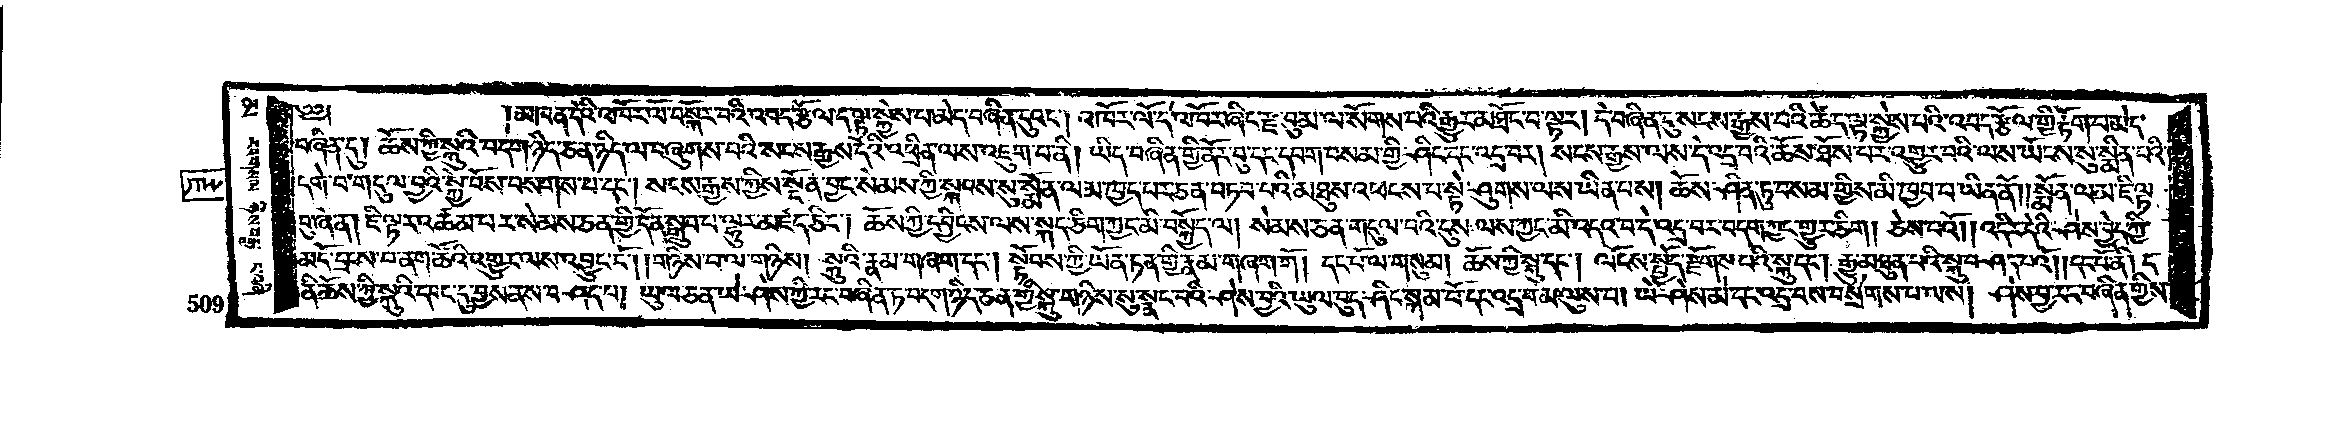༄༅། །མཁན་དེའི་འཁོར་ལོ་བསྐོར་བའི་འབད་རྩོལ་ད་ལྟ་སྐྱེས་པ་མེད་བཞིན་དུའང་། འཁོར་ལོ་དེ་འཁོར་ཞིང་རྫ་བུམ་ལ་སོགས་པའི་རྒྱུར་མཐོང་བ་ལྟར། དེ་བཞིན་དུ་སངས་རྒྱས་པའི་ཚེ་ད་ལྟ་སྐྱེས་པའི་འབད་རྩོལ་གྱི་རྟོག་པ་མེད་
བཞིན་དུ། ཆོས་ཀྱི་སྐུའི་བདག་ཉིད་ཅན་ཉིད་ལ་བཞུགས་པའི་སངས་རྒྱས་དེའི་འཕྲིན་ལས་འཇུག་པ་ནི། ཡིད་བཞིན་གྱི་ནོར་བུ་དང་དཔག་བསམ་གྱི་ཤིང་དང་འདྲ་བར། སངས་རྒྱས་ལས་དེ་འདྲ་བའི་ཆོས་ཐོས་པར་འགྱུར་བའི་ལས་ཡོངས་སུ་སྨིན་པའི་
དགེ་བ་གདུལ་བྱའི་སྐྱེ་བོས་བསགས་པ་དང་། སངས་རྒྱས་ཀྱིས་སྔོན་བྱང་སེམས་གྱི་སྐབས་སུ་སྨོན་ལམ་ཁྱད་པར་ཅན་བཏབ་པའི་མཐུས་འཕངས་པ་སྟེ་ཤུགས་ལས་ཡིན་པས། ཆེས་ཤིན་ཏུ་བསམ་གྱིས་མི་ཁྱབ་པ་ཡིན་ནོ། །སྨོན་ལམ་ཇི་ལྟ་
བུ་ཞེ་ན། ཇི་ལྟར་འཚམ་པར་སེམས་ཅན་གྱི་དོན་སྒྲུབ་པ་ལྷུར་མཛད་ཅིང་། ཆོས་ཀྱི་དབྱིངས་ལས་སྐད་ཅིག་ཀྱང་མི་བསྐྱོད་ལ། སེམས་ཅན་གདུལ་བའི་དུས་ལས་ཀྱང་མི་འདའ་བ་དེ་འདྲ་བར་བདག་ཀྱང་གྱུར་ཅིག །ཅེས་པའོ། །འདིར་དེའི་ཤེས་བྱེད་ཀྱི་
མདོ་དྲངས་པ་ནག་ཚོའི་འགྱུར་ལས་འབྱུང་ངོ། །གཉིས་པ་ལ་གཉིས། སྐུའི་རྣམ་གཞག་དང་། སྟོབས་ཀྱི་ཡོན་ཏན་གྱི་རྣམ་གཞག་གོ །དང་པོ་ལ་གསུམ། ཆོས་ཀྱི་སྐུ་དང་། ལོངས་སྤྱོད་རྫོགས་པའི་སྐུ་དང་། རྒྱུ་མཐུན་པའི་སྐུ་བཤད་པའོ། །དང་པོ་ནི། དེ་
ནི་ཆོས་ཀྱི་སྐུའི་དབང་དུ་བྱས་ནས་བཤད་པ། ཡུལ་ཅན་ཡེ་ཤེས་ཀྱི་རང་བཞིན་ཏེ་བདག་ཉིད་ཅན་གྱི་སྐུ་གཉིས་སུ་སྣང་བའི་ཤེས་བྱའི་ཡུལ་བུད་ཤིང་སྐམ་པོ་དང་འདྲ་བ་མ་ལུས་པ། ཡེ་ཤེས་མེ་དང་འདྲ་བས་བསྲེགས་པ་ལས། ཤེས་བྱ་རང་བཞིན་གྱིས་